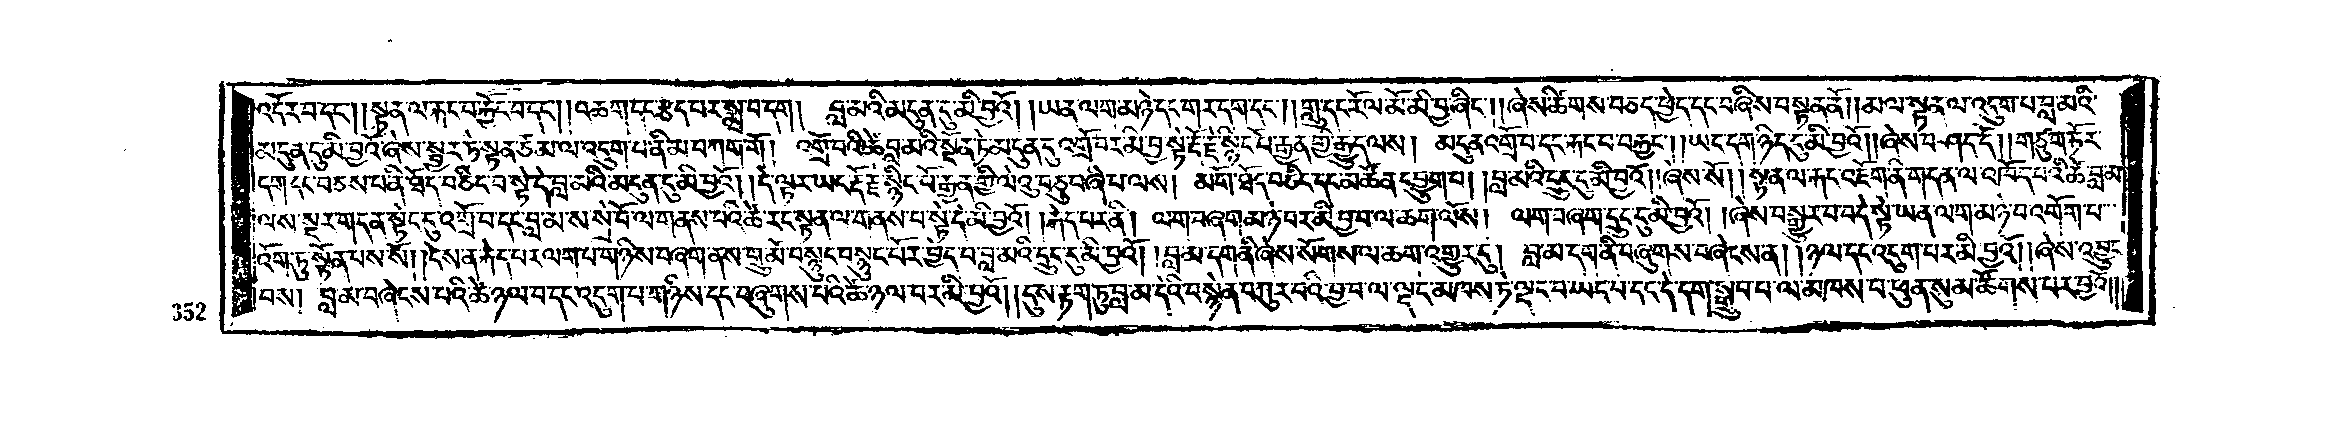འདོར་བ་དང་། །སྟན་ལ་རྐང་བ་རྐྱོང་བ་དང་། །འཆག་དང་རྩད་པར་སྨྲ་བ་དག །བླ་མའི་མདུན་དུ་མི་བྱའོ། །ཡན་ལག་མཉེ་དང་གར་དག་དང་། །གླུ་དང་རོལ་མོ་མི་བྱ་ཞིང་། །ཞེས་ཚིགས་བཅད་ཕྱེད་དང་བཞིས་བསྟན་ནོ། །མལ་སྟན་ལ་འདུག་པ་བླ་མའི་
མདུན་དུ་མི་བྱའོ་ཞེས་སྦྱར་ཏེ་སྟན་ཙམ་ལ་འདུག་པ་ནི་མ་བཀག་གོ །འགྲོ་བའི་ཚེ་བླ་མའི་སྔོན་ཏེ་མདུན་དུ་འགྲོ་བར་མི་བྱ་སྟེ་རྡོ་རྗེ་སྙིང་པོ་རྒྱན་གྱི་རྒྱུད་ལས། མདུན་འགྲོ་བ་དང་རྐང་པ་བརྐྱང་། །ཡང་དག་ཉིད་དུ་མི་བྱའོ། །ཞེས་བཤད་དོ། །གཙུག་ཏོར་
དག་དང་བཅས་པ་ནི་ཐོད་བཅིང་བ་སྟེ་དེ་བླ་མའི་མདུན་དུ་མི་བྱའོ། །དེ་ལྟར་ཡང་རྡོ་རྗེ་སྙིང་པོ་རྒྱན་གྱི་ལེའུ་བཅུ་བཞི་པ་ལས། མགོ་ཐོད་བཅིང་དང་མཚོན་དབྱུག་པ། །བླ་མའི་དྲུང་དུ་མི་བྱའོ། །ཞེས་སོ། །སྟན་ལ་རྐང་འཇོག་ནི་གདན་ལ་འཁོད་པའི་ཚེ་བླ་མ་
ལས་སྔར་གདན་སྟེང་དུ་འགྲོ་བ་དང་བླ་མ་ས་སྲེ་བོ་ལ་གནས་པའི་ཚེ་རང་སྟན་ལ་གནས་པ་སྟེ་དེ་མི་བྱའོ། །རྐེད་པར་ནི། ལག་བཞག་མཉེ་བར་མི་བྱ་བ་ལ་ཆག་ལོས། ལག་བཞག་དྲུང་དུ་མི་བྱའོ། །ཞེས་བསྒྱུར་བ་བདེ་སྟེ་ཡན་ལག་མཉེ་བ་འགོག་པ་
འོག་ཏུ་སྟོན་པས་སོ། །དེས་ན་རྐེད་པར་ལག་པ་གཉིས་བཞག་ནས་གྲུ་མོ་བསྙུང་བསྙུང་པོར་བྱེད་པ་བླ་མའི་དྲུང་དུ་མི་བྱའོ། །བླ་མ་དག་ནི་ཞེས་སོགས་ལ་ཆག་འགྱུར་དུ། བླ་མ་དག་ནི་བཞུགས་བཞེངས་ན། །ཉལ་དང་འདུག་པར་མི་བྱའོ། །ཞེས་འབྱུང་
བས། བླ་མ་བཞེངས་པའི་ཚེ་ཉལ་བ་དང་འདུག་པ་གཉིས་དང་བཞུགས་པའི་ཚེ་ཉལ་བར་མི་བྱའོ། །དུས་རྟག་ཏུ་བླ་མ་དེའི་བསྙེན་བཀུར་བའི་བྱ་བ་ལ་ལྡང་མཁས་ཏེ་ལྡང་བ་ཡང་པ་དང་དེ་དག་སྒྲུབ་པ་ལ་མཁས་པ་ཕུན་སུམ་ཚོགས་པར་བྱའོ།།